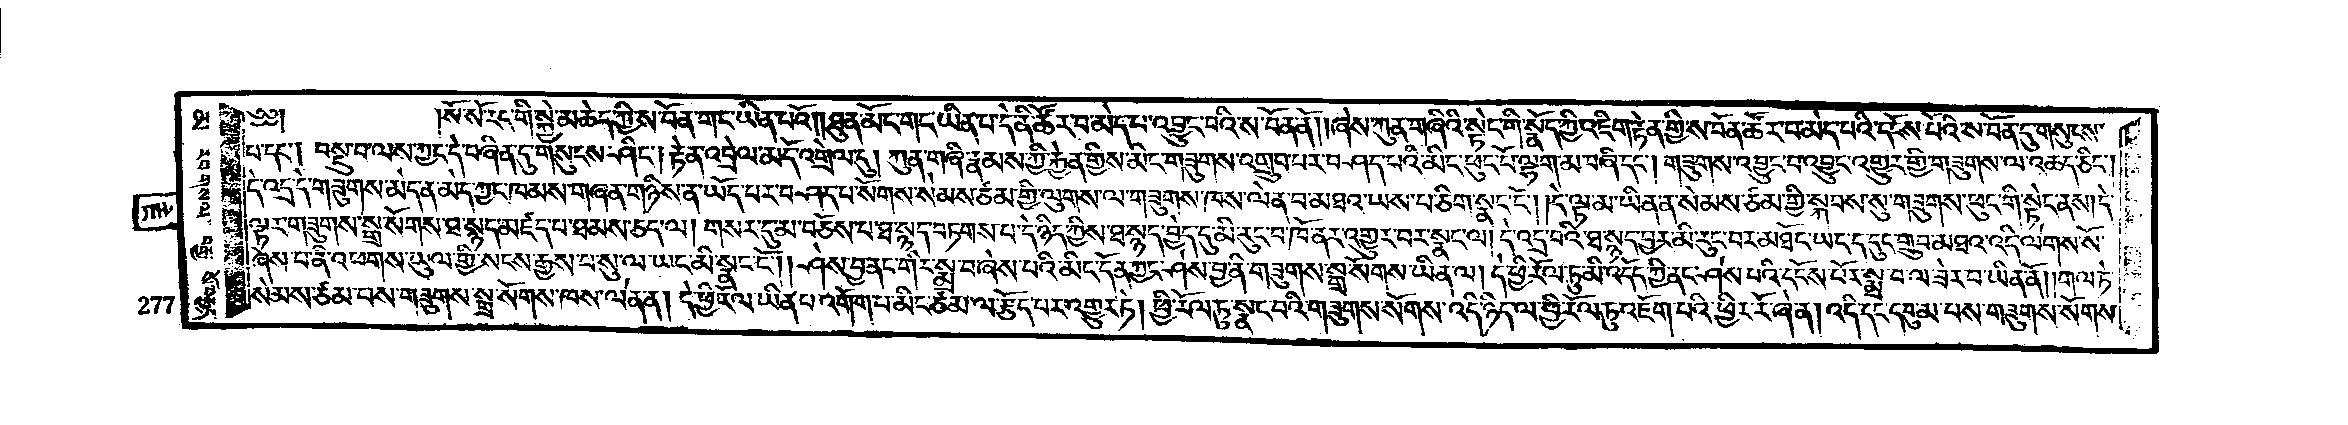༄༅། །སོ་སོ་རང་གི་སྐྱེ་མཆེད་ཀྱི་ས་བོན་གང་ཡིན་པའོ། །ཐུན་མོང་གང་ཡིན་པ་དེ་ནི་ཚོར་བ་མེད་པ་འབྱུང་བའི་ས་བོན་ནོ། །ཞེས་ཀུན་གཞིའི་སྟེང་གི་སྣོད་ཀྱི་འཇིག་རྟེན་གྱི་ས་བོན་ཚོར་བ་མེད་པའི་དངོས་པོའི་ས་བོན་དུ་གསུངས་
པ་དང་། བསྡུ་བ་ལས་ཀྱང་དེ་བཞིན་དུ་གསུངས་ཤིང་རྟེན་འབྲེལ་མདོ་འགྲེལ་དུ། ཀུན་གཞི་རྣམས་ཀྱི་རྐྱེན་གྱིས་མིང་གཟུགས་འགྲུབ་པར་བཤད་པའི་མིང་ཕུང་པོ་ལྷག་མ་བཞི་དང་། གཟུགས་འབྱུང་བ་འབྱུང་འགྱུར་གྱི་གཟུགས་ལ་འཆད་ཅིང་།
དེ་འདྲ་དེ་གཟུགས་མེད་ན་མེད་ཀྱང་ཁམས་གཞན་གཉིས་ན་ཡོད་པར་བཤད་པ་སོགས་སེམས་ཙམ་གྱི་ལུགས་ལ་གཟུགས་ཁས་ལེན་པ་མཐའ་ཡས་པ་ཅིག་སྣང་ངོ། །དེ་ལྟ་མ་ཡིན་ན་སེམས་ཙམ་གྱི་སྐབས་སུ་གཟུགས་ཕུང་གི་སྟེང་ནས། དེ་
ལྟར་གཟུགས་སྒྲ་སོགས་ཐ་སྙད་མཛད་པ་ཐམས་ཅད་ལ། གསར་དུ་མ་བཅོས་པ་ཐ་སྙད་བཏགས་པ་དེ་ཉིད་ཀྱིས་ཐ་སྙད་བྱེད་དུ་མི་རུང་བ་ཁོ་ནར་འགྱུར་བར་སྣང་ལ། དེ་འདྲ་བའི་ཐ་སྙད་བྱར་མི་རུང་བར་མཐོང་ཡང་ད་དུང་གྲུབ་མཐའ་འདི་ལེགས་སོ་
ཞེས་པ་ནི་འཕགས་ཡུལ་གྱི་སངས་རྒྱས་པ་སུ་ལ་ཡང་མི་སྣང་ངོ། །ཤེས་བྱ་ནང་གིར་སྨྲ་བ་ཞེས་པའི་མིང་དོན་ཀྱང་ཤེས་བྱ་ནི་གཟུགས་སྒྲ་སོགས་ཡིན་ལ། དེ་ཕྱི་རོལ་ཏུ་མི་འདོད་ཀྱི་ནང་ཤེས་པའི་དངོས་པོར་སྨྲ་བ་ལ་ཟེར་བ་ཡིན་ནོ། །གལ་ཏེ་
སེམས་ཙམ་པས་གཟུགས་སྒྲ་སོགས་ཁས་ལེན་ན། དེ་ཕྱི་རོལ་ཡིན་པ་འགོག་པ་མིང་ཙམ་ལ་རྩོད་པར་འགྱུར་ཏེ། ཕྱི་རོལ་ཏུ་སྣང་བའི་གཟུགས་སོགས་འདི་ཉིད་ལ་ཕྱི་རོལ་ཏུ་འཇོག་པའི་ཕྱིར་རོ་ཞེ་ན། འདི་དང་དབུ་མ་པས་གཟུགས་སོགས་